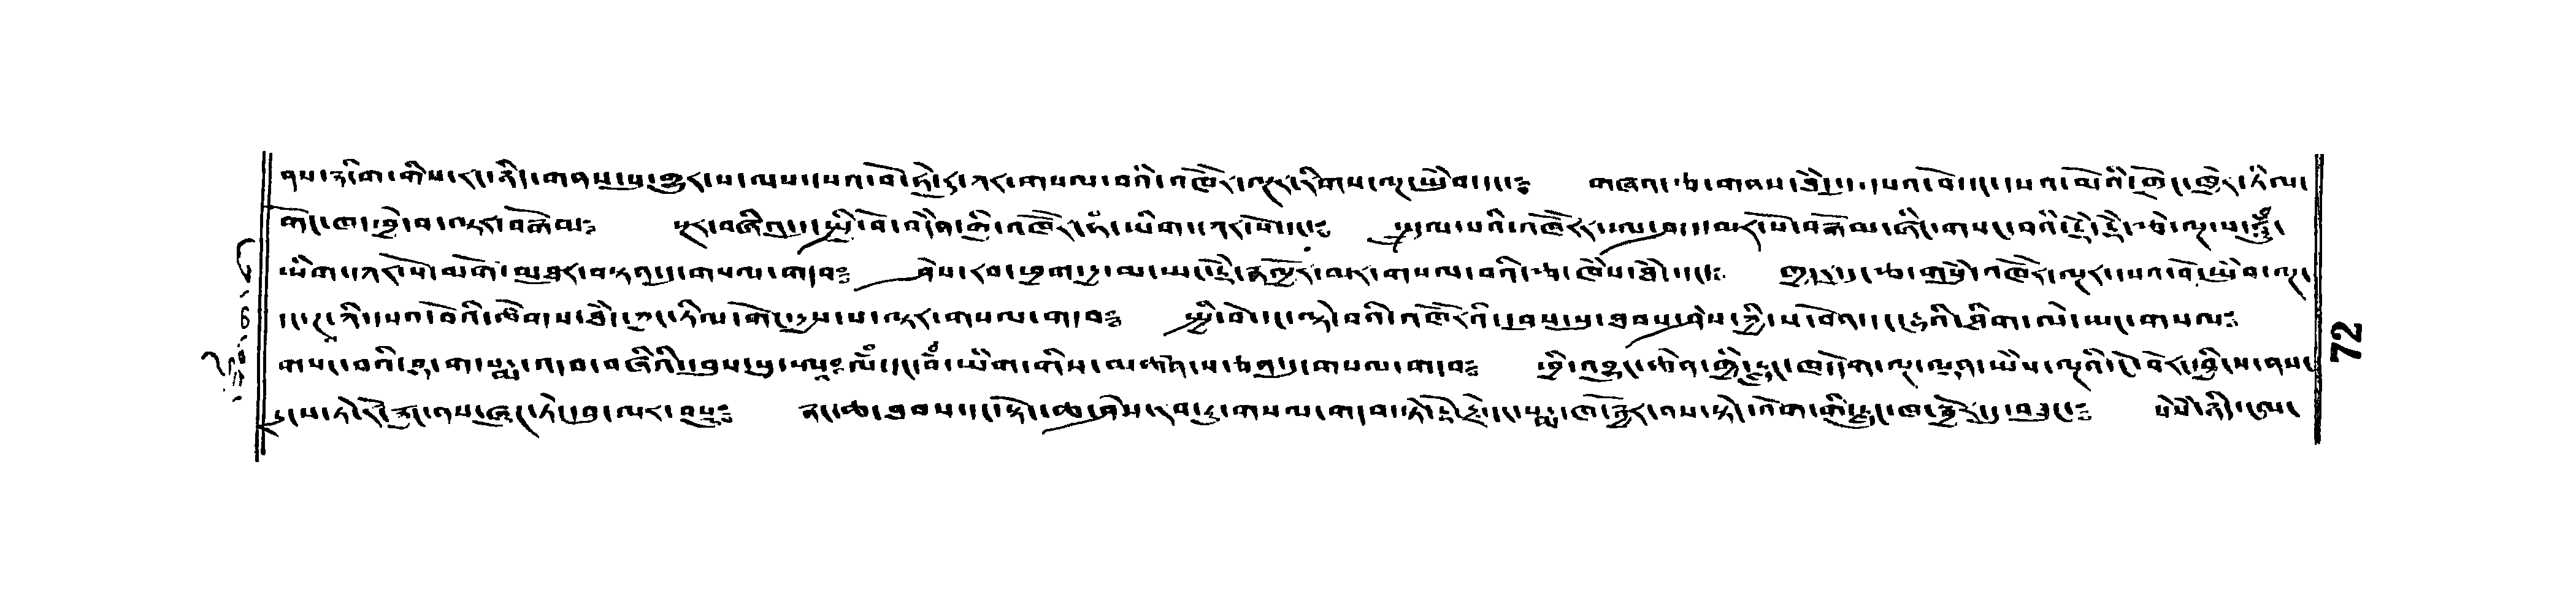ནས་སྐད་ཅིག་གིས་རང་ཉིད་གནས་སུ་གྱུར་པ་ལས་དཔའ་བོ་ཧེ་རུ་ཀར་གསལ་བའི་འཁོར་ལོ་ལྔར་རིགས་ལྔ་ཡབ་ཡུམ་དང༔ གཞན་རྩ་གནས་ཐམས་ཅད་དུ་དཔའ་བོ་དང་དཔའ་མོའི་གྲོང་ཁྱེར་ཏིལ་
གོང་ཁ་ཕྱེ་བ་ལྟར་བསྒོམ༔ སྔར་བཞིན་དུ་སྤྱི་བོ་བདེ་ཆེན་གྱི་འཁོར་ལོར་ཧཾ་ཡིག་དཀར་པོ་དང༔ སྤྲུལ་པའི་འཁོར་ལོར་ཨ་ཤད་དམར་པོ་བསྒོམ་ཞིང་གསང་བའི་རྡོ་རྗེ་རྡོ་རྗེ་རྩེ་ལྔ་པ་ཧཱུྃ་
ཡིག་དཀར་པོ་མགོ་ཐུར་བསྟན་དུ་གསལ་གདབ༔ ཤེས་རབ་ཕྱག་རྒྱ་མ་ཡང་རྡོ་རྗེ་རྣལ་འབྱོར་མར་གསལ་བའི་རྩ་ཁམས་ཐམས་ཅད་དང༔ ཁྱད་པར་དུ་རྩ་གསུམ་འཁོར་ལོ་ལྔར་དཔའ་བོ་ཡབ་ཡུམ་ལྔ་
དང་ཌཱ་ཀི་དཔའ་བོའི་ཚོགས་ཐམས་ཅད་ཀྱང་ཏིལ་གོང་རྒྱས་པ་ལྟར་གསལ་གདབ༔ སྤྱི་བོ་དང་ལྟེ་བའི་འཁོར་ལོའི་དབུས་སུ་ཐབས་ཤེས་ཀྱི་ས་བོན་དང་རྒྱུའི་ཐིག་ལེ་ཡང་གསལ༔ 
གསང་བའི་བྷ་ག་པདྨ་འདབ་བཞིའི་དབུས་སུ་ཨཱཿལྃ་དང་བྃ་ཡིག་གིས་མཚན་པ་ཅན་དུ་གསལ་གདབ༔ ཕྱི་འབྱུང་ཆེན་གྱི་རླུང་ཁ་དོག་ལྔ་ལྡན་ཡེ་ཤེས་ལྔའི་ངོ་བོར་དབྱིངས་ནས་
དྲངས་ཏེ་རོ་རྐྱང་ནས་ཞུགས་ཏེ་དབུ་མར་བསྡུ༔ སྣང་ཆ་ཐབས་དང་སྟོང་ཆ་ཤེས་རབ་ཏུ་གསལ་གདབ་སྟེ་རྡོ་རྗེ་དང་པདྨ་ཁ་སྦྱོར་ནས་སྟེང་འོག་གི་རླུང་ཁ་སྦྱོར་དུ་བཟུང༔ སེམས་ཉིད་ངལ་